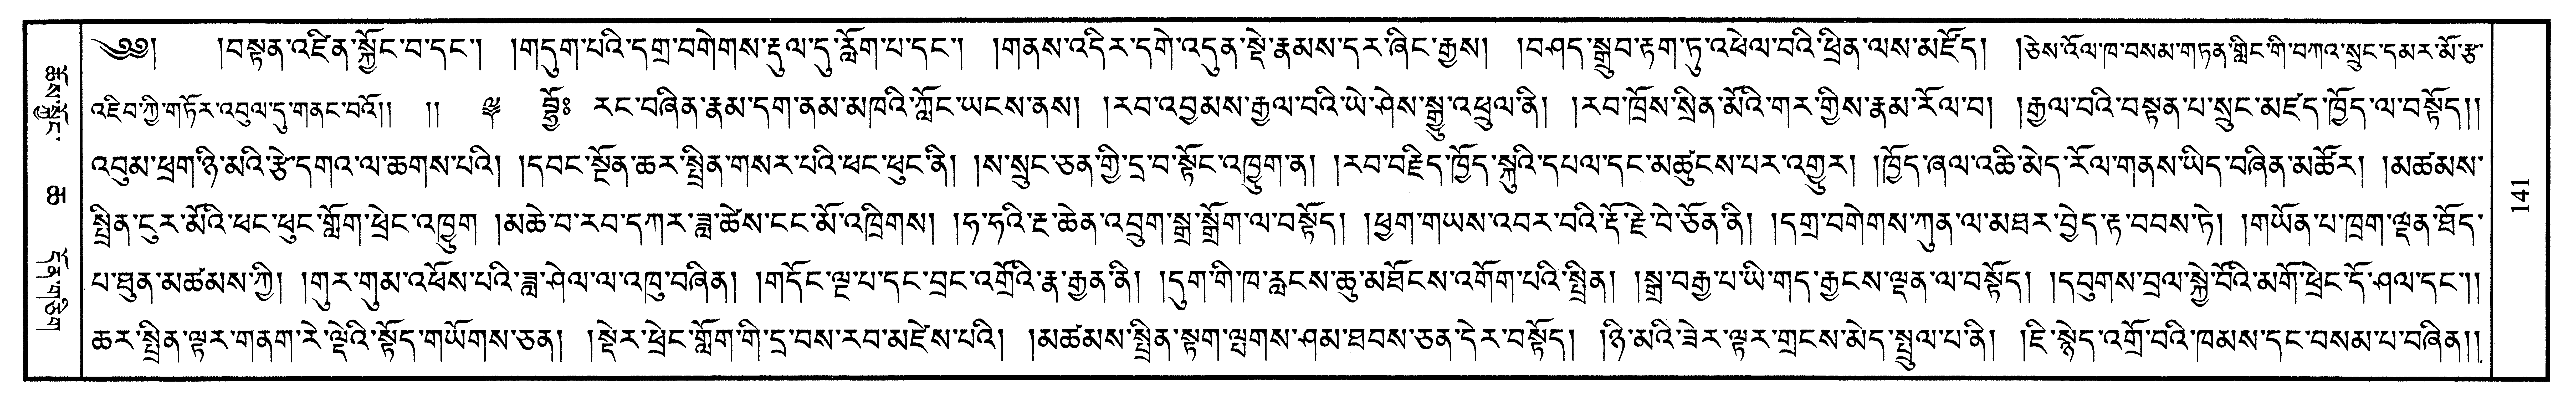༄༅། །བསྟན་འཛིན་སྐྱོང་བ་དང་། །གདུག་པའི་དགྲ་བགེགས་རྡུལ་དུ་རློག་པ་དང་། །གནས་འདིར་དགེ་འདུན་སྡེ་རྣམས་དར་ཞིང་རྒྱས། །བཤད་སྒྲུབ་རྟག་ཏུ་འཕེལ་བའི་ཕྲིན་ལས་མཛོད། །ཅེས་འོལ་ཁ་བསམ་གཏན་གླིང་གི་བཀའ་སྲུང་དམར་མོ་རྩ་
འཇིབ་ཀྱི་གཏོར་འབུལ་དུ་གནང་བའོ།། །། ༈ བྷྱོཿ རང་བཞིན་རྣམ་དག་ནམ་མཁའི་ཀློང་ཡངས་ནས། །རབ་འབྱམས་རྒྱལ་བའི་ཡེ་ཤེས་སྒྱུ་འཕྲུལ་ནི། །རབ་ཁྲོས་སྲིན་མོའི་གར་གྱིས་རྣམ་རོལ་བ། །རྒྱལ་བའི་བསྟན་པ་སྲུང་མཛད་ཁྱོད་ལ་བསྟོད།།
འབུམ་ཕྲག་ཉི་མའི་རྩེ་དགའ་ལ་ཆགས་པའི། །དབང་སྔོན་ཆར་སྤྲིན་གསར་པའི་ཕང་ཕུང་ནི། །ས་སྲུང་ཅན་གྱི་དྲ་བ་སྟོང་འཁྱུག་ན། །རབ་བརྗིད་ཁྱོད་སྐུའི་དཔལ་དང་མཚུངས་པར་འགྱུར། །ཁྱོད་ཞལ་འཆི་མེད་རོལ་གནས་ཡིད་བཞིན་མཚོར། །མཚམས་
སྤྲིན་ངུར་མོའི་ཕང་ཕུང་གློག་ཕྲེང་འཁྱུག །མཆེ་བ་རབ་དཀར་ཟླ་ཚེས་ངང་མོ་འཁྲིགས། །ཧ་ཧའི་རྔ་ཆེན་འབྲུག་སྒྲ་སྒྲོག་ལ་བསྟོད། །ཕྱག་གཡས་འབར་བའི་རྡོ་རྗེ་བེ་ཅོན་ནི། །དགྲ་བགེགས་ཀུན་ལ་མཐར་བྱེད་རྟ་བབས་ཏེ། །གཡོན་པ་ཁྲག་ལྡན་ཐོད་
པ་ཐུན་མཚམས་ཀྱི། །གུར་གུམ་འཕོས་པའི་ཟླ་ཤེལ་ལ་འཁུ་བཞིན། །གདོང་ལྔ་པ་དང་བྲང་འགྲོའི་རྣ་རྒྱན་ནི། །དུག་གི་ཁ་རླངས་ཆུ་མཐོངས་འགོག་པའི་སྤྲིན། །སྒྲ་བརྒྱ་པ་ཡི་གད་རྒྱངས་ལྡན་ལ་བསྟོད། །དབུགས་བྲལ་སྐྱེ་བོའི་མགོ་ཕྲེང་དོ་ཤལ་དང།།
ཆར་སྤྲིན་ལྟར་གནག་རེ་ལྡེའི་སྟོད་གཡོགས་ཅན། །སྡེར་ཕྲེང་གློག་གི་དྲ་བས་རབ་མཛེས་པའི། །མཚམས་སྤྲིན་སྟག་ལྤགས་ཤམ་ཐབས་ཅན་དེར་བསྟོད། །ཉི་མའི་ཟེར་ལྟར་གྲངས་མེད་སྤྲུལ་པ་ནི། །ཇི་སྙེད་འགྲོ་བའི་ཁམས་དང་བསམ་པ་བཞིན།།